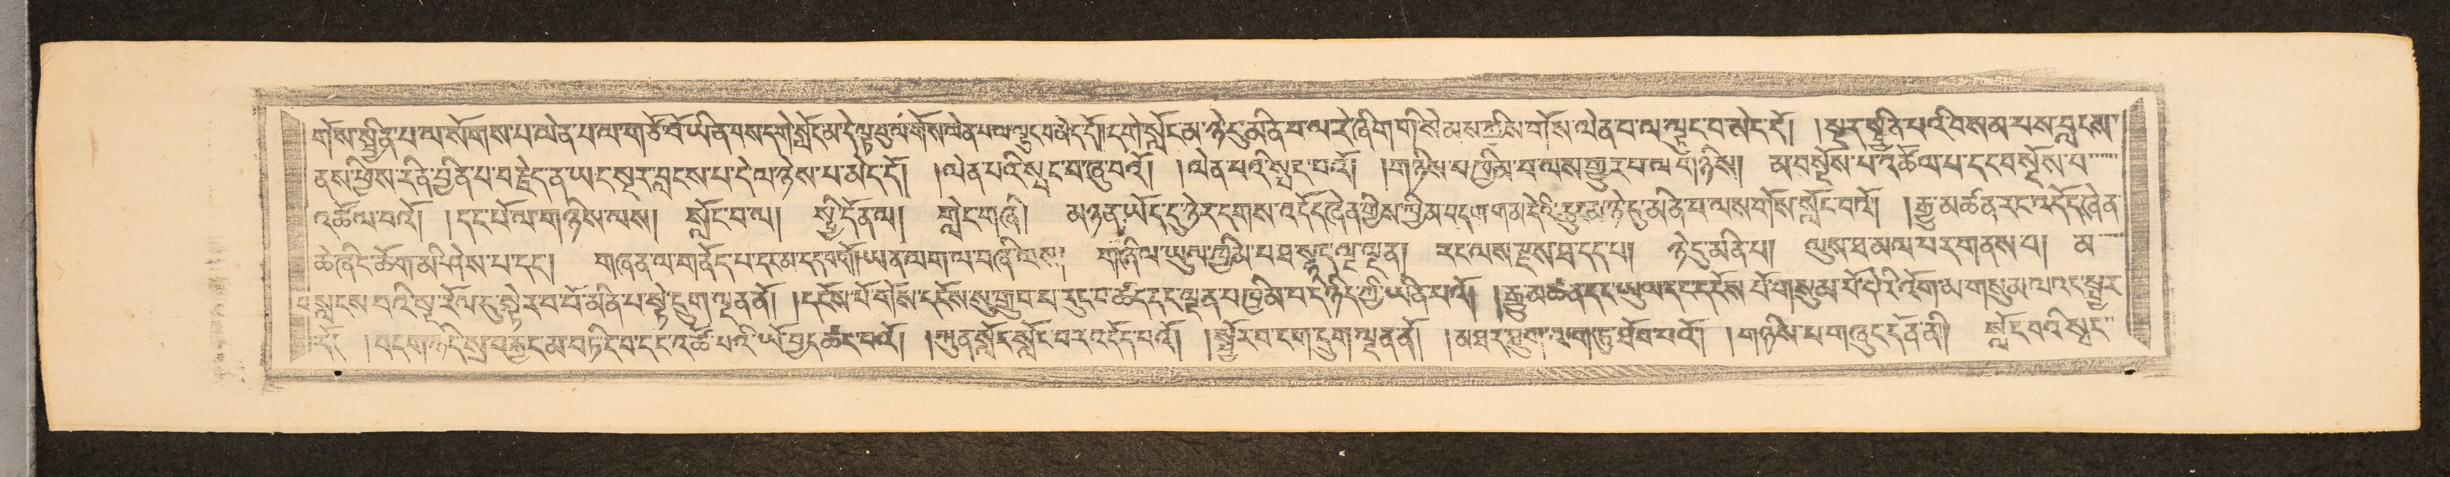གོས་སྦྱིན་པ་ལ་སོགས་པ་ལེན་པ་ལ་གཙོ་བོ་ཡིན་པས་དགེ་སློང་མ་དེ་ལྟ་བུལ་གོས་ལེན་བ་ལ་ལྟུང་བ་མེད་དོ། །དགེ་སློང་མ་ཉེ་དུ་མིན་པ་ལ་རེ་ཞིག་གི་སེམས་ཀྱིས་གོས་ལེན་བ་ལ་ལྟུང་བ་མེད་དོ། །སྔར་སྦྱིན་པའི་བསམ་པས་བླངས་
ནས་ཕྱིས་རིན་བྱིན་པ་བརྗེད་ན་ཡང་སྔར་བླངས་པ་དེ་ལ་ཉེས་པ་མེད་དོ། །ལེན་པའི་སྤང་བ་ཞུ་བའོ། །ལེན་པའི་སྤང་བའོ། །གཉིས་པ་ཁྱིམ་པ་ལས་གྱུར་པ་ལ་གཉིས། མ་བསྡོས་པ་འཚོལ་བ་དང་བསྔོས་པ་
འཚོལ་བའོ། །དང་པོ་ལ་གཉིས་ལས། སློང་བ་ལ། སྤྱི་དོན་ལ། གླེང་གཞི། མཉན་ཡོད་དུ་ཉེར་དགས་འདོད་ཞེན་གྱིས་ཁྱིམ་བདག་གམ་དེའི་ཆུང་མ་ཉེ་དུ་མིན་པ་ལས་གོས་སློང་བའོ། །རྒྱུ་མཚན་རང་འདོད་ཞེན་
ཆེ་ཞིང་ཆོག་མི་ཤེས་པ་དང་། གཞན་ལ་གནོད་པ་དང་མ་དད་བའོ། །ཡན་ལག་ལ་བཞི་ལས། གཞི་ལ་ཡུལ་ཁྱིམ་པ་ཐ་སྙད་ལྔ་ལྡན། རང་ལས་རྫས་ཐ་དད་པ། ཉེ་དུ་མིན་པ། ལུས་ཐ་མལ་པར་གནས་པ། མ་
བསླངས་པའི་སྔ་རོལ་དུ་སྟེར་བ་པོ་མིན་པ་སྟེ་དྲུག་ལྡན་ནོ། །དངོས་པོ་གོས་དངོས་སུ་གྲུབ་པ་རུང་བ་ཚད་དང་ལྡན་པ་ཁྱིམ་པ་དེ་ཉིད་ཀྱི་ཡིན་པའོ། །རྒྱུ་མཚན་དང་ཡུལ་དང་དངོས་པོ་གསུམ་པོ་དེའི་འོག་མ་གསུམ་ལའང་སྦྱར་
རོ༑ །བདག་ཉིད་སྲ་བརྐྱང་མ་བཏིང་བ་དང་འཚོ་བའི་ཡོ་བྱད་ཚང་པའོ། །ཀུན་སློང་སློང་བར་འདོད་པའོ། །སྦྱོར་བ་ངག་དྲུག་ལྡན་ནོ། །མཐར་ཐུག་ལག་ཏུ་ཐོབ་པའོ། །གཉིས་པ་གཞུང་དོན་ནི། སློང་བའི་སྤངས་